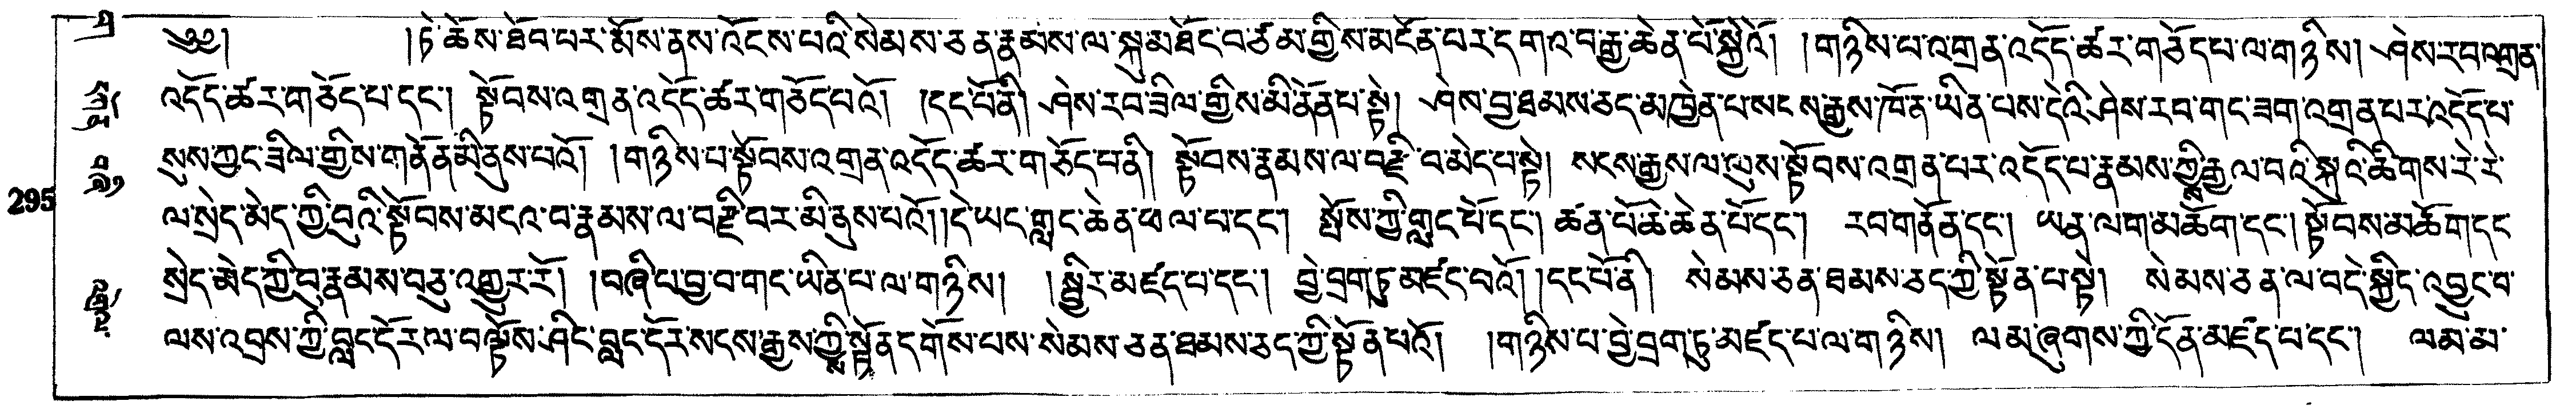༄༅། །ཏེ་ཆོས་ཐོབ་པར་མོས་ནས་འོངས་པའི་སེམས་ཅན་རྣམས་ལ་སྐུ་མཐོང་བ་ཙམ་གྱིས་མངོན་པར་དགའ་བ་རྒྱ་ཆེན་པོ་སྐྱེའོ། །གཉིས་པ་འགྲན་འདོད་ཚར་གཅོད་པ་ལ་གཉིས། ཤེས་རབ་འགྲན་
འདོད་ཚར་གཅོད་པ་དང་། སྟོབས་འགྲན་འདོད་ཚར་གཅོད་པའོ། །དང་པོ་ནི། ཤེས་རབ་ཟིལ་གྱིས་མི་ནོན་པ་སྟེ། ཤེས་བྱ་ཐམས་ཅད་མཁྱེན་པ་སངས་རྒྱས་ཁོ་ན་ཡིན་པས་དེའི་ཤེས་རབ་གང་ཟག་འགྲན་པར་འདོད་པ་
སུས་ཀྱང་ཟིལ་གྱིས་གནོན་མི་ནུས་པའོ། །གཉིས་པ་སྟོབས་འགྲན་འདོད་ཚར་གཅོད་པ་ནི། སྟོབས་རྣམས་ལ་བརྫི་བ་མེད་པ་སྟེ། སངས་རྒྱས་ལ་ལུས་སྟོབས་འགྲན་པར་འདོད་པ་རྣམས་ཀྱིས་རྒྱལ་བའི་སྐུའི་ཚིགས་རེ་རེ་
ལ་སྲེད་མེད་ཀྱི་བུའི་སྟོབས་མངའ་བ་རྣམས་ལ་བརྫི་བར་མི་ནུས་པའོ། །དེ་ཡང་གླང་ཆེན་ཕལ་པ་དང་། སྤོས་ཀྱི་གླང་པོ་དང་། ཚན་པོ་ཆེ་ཆེན་པོ་དང་། རབ་གནོན་དང་། ཡན་ལག་མཆོག་དང་། སྟོབས་མཆོག་དང་
སྲེད་མེད་ཀྱི་བུ་རྣམས་བཅུ་འགྱུར་རོ། །བཞི་པ་བྱ་བ་གང་ཡིན་པ་ལ་གཉིས། །སྤྱིར་མཛད་པ་དང་། བྱེ་བྲག་ཏུ་མཛད་པའོ། །དང་པོ་ནི། སེམས་ཅན་ཐམས་ཅད་ཀྱི་སྟོན་པ་སྟེ། སེམས་ཅན་ལ་བདེ་སྐྱིད་འབྱུང་བ་
ལས་འབྲས་ཀྱི་བླང་དོར་ལ་བལྟོས་ཤིང་བླང་དོར་སངས་རྒྱས་ཀྱིས་སྟོན་དགོས་པས་སེམས་ཅན་ཐམས་ཅད་ཀྱི་སྟོན་པའོ། །གཉིས་པ་བྱེ་བྲག་ཏུ་མཛད་པ་ལ་གཉིས། ལམ་ཞུགས་ཀྱི་དོན་མཛད་པ་དང་། ལམ་མ་